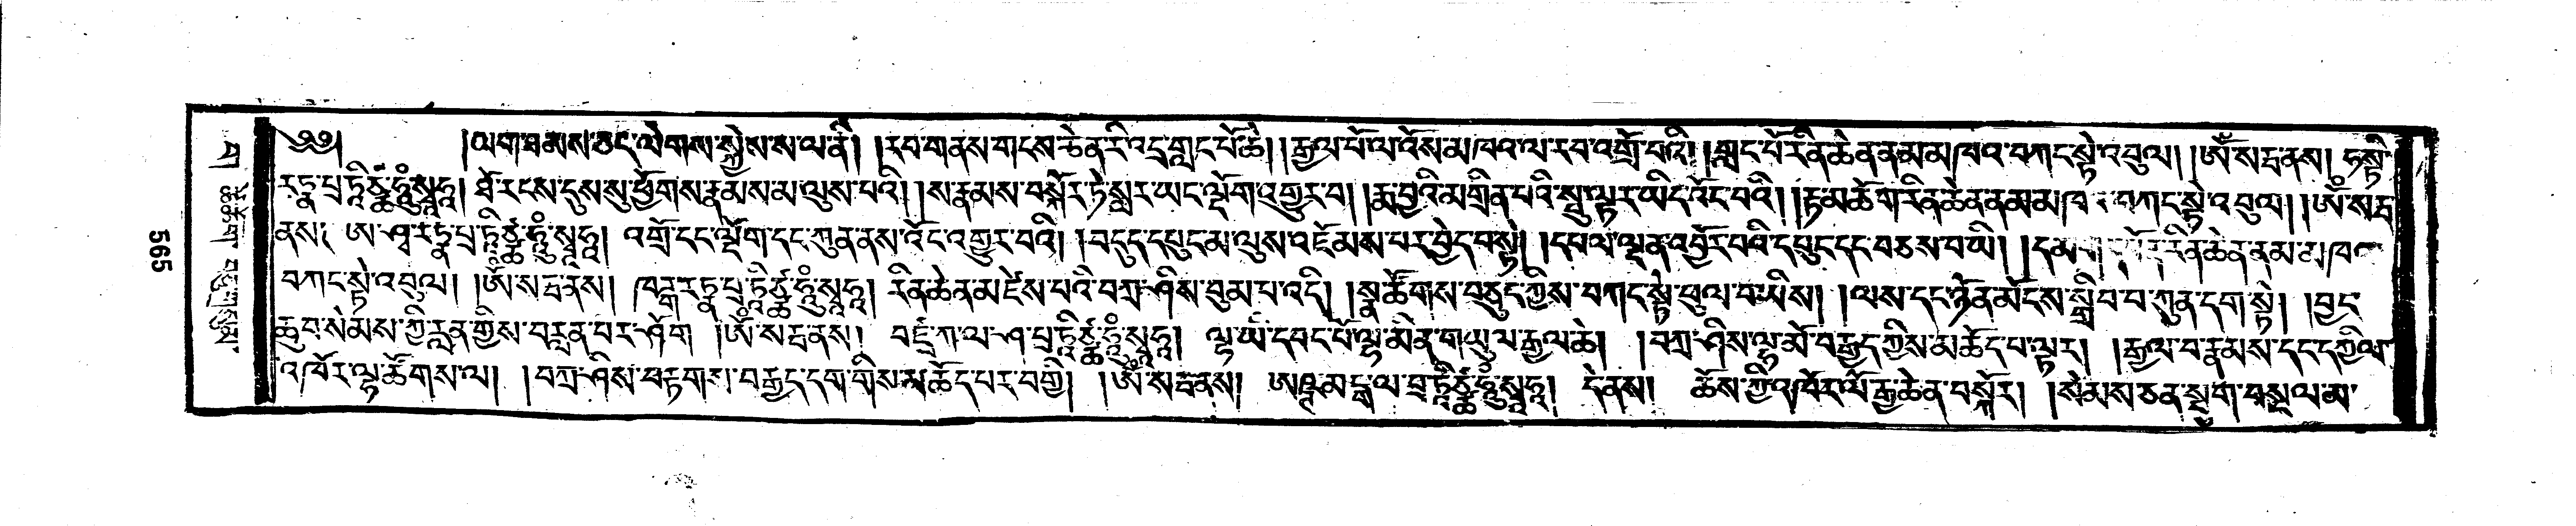༄༅། །ལག་ཐམས་ཅད་ལེགས་སྐྱེས་ས་ལ་ནི། །རབ་གནས་གངས་ཆེན་རི་འདྲ་གླང་པོ་ཆེ། །རྒྱལ་པོ་ལ་འོས་མཁའ་ལ་རབ་འགྲོ་བའི། །གླང་པོ་རིན་ཆེན་ནམ་མཁའ་བཀང་སྟེ་འབུལ། །ཨོཾ་སརྦ་ནས། ཧ་སྟེ་
རཏྣ་པྲ་ཏཱི་ཙྪ་ཧཱུཾ་སྭཱཧཱ། ཐོ་རངས་དུས་སུ་ཕྱོགས་རྣམས་མ་ལུས་པའི། །ས་རྣམས་བསྐོར་ཏེ་སླར་ཡང་ལྡོག་འགྱུར་བ། །རྨ་བྱའི་མགྲིན་པའི་སྤུ་ལྟར་ཡིད་འོང་བའི། །རྟ་མཆོག་རིན་ཆེན་ནམ་མཁའ་བཀང་སྟེ་འབུལ། །ཨོཾ་སརྦ་
ནས༑ ཨ་ཤྭ་རཏྣ་པྲ་ཏཱི་ཙྪ་ཧཱུཾ་སྭཱཧཱ། འགྲོ་དང་ལྡོག་དང་ཀུན་ནས་འོང་འགྱུར་བའི། །བདུད་དཔུང་མ་ལུས་འཇོམས་པར་བྱེད་པ་སྟེ། །དཔལ་ལྡན་འབྱོར་པའི་དཔུང་དང་བཅས་པ་ཡི། །དམག་དཔོན་རིན་ཆེན་ནམ་མཁའ་
བཀང་སྟེ་འབུལ། །ཨོཾ་སརྦ་ནས། ཁཌྒ་རཏྣ་པྲ་ཏཱི་ཙྪ་ཧཱུཾ་སྭཱཧཱ། རིན་ཆེན་མཛེས་པའི་བཀྲ་ཤིས་བུམ་པ་འདི། །སྣ་ཚོགས་བཅུད་ཀྱིས་བཀང་སྟེ་ཕུལ་བ་ཡིས། །ལས་དང་ཉོན་མོངས་སྒྲིབ་པ་ཀུན་དག་སྟེ། །བྱང་
ཆུབ་སེམས་ཀྱི་རླན་གྱིས་བརླན་པར་ཤོག །ཨོཾ་སརྦ་ནས། བཛྲ་ཀ་ལ་ཤ་པྲ་ཏཱི་ཙྪ་ཧཱུཾ་སྭཱཧཱ། ལྷ་ཡི་དབང་པོ་ལྷ་མིན་གཡུལ་རྒྱལ་ཆེ། །བཀྲ་ཤིས་ལྷ་མོ་བརྒྱད་ཀྱིས་མཆོད་པ་ལྟར། །རྒྱལ་བ་རྣམས་དང་དཀྱིལ་
འཁོར་ལྷ་ཚོགས་ལ། །བཀྲ་ཤིས་བརྟགས་བརྒྱད་དག་གིས་མཆོད་པར་བགྱི། །ཨོཾ་སརྦ་ནས། ཨཥྚ་མངྒ་ལ་པྲ་ཏཱི་ཙྪ་ཧཱུཾ་སྭཱཧཱ། དེ་ནས། ཆོས་ཀྱི་འཁོར་ལོ་རྒྱ་ཆེན་བསྐོར། །སེམས་ཅན་སྡུག་བསྔལ་མ་